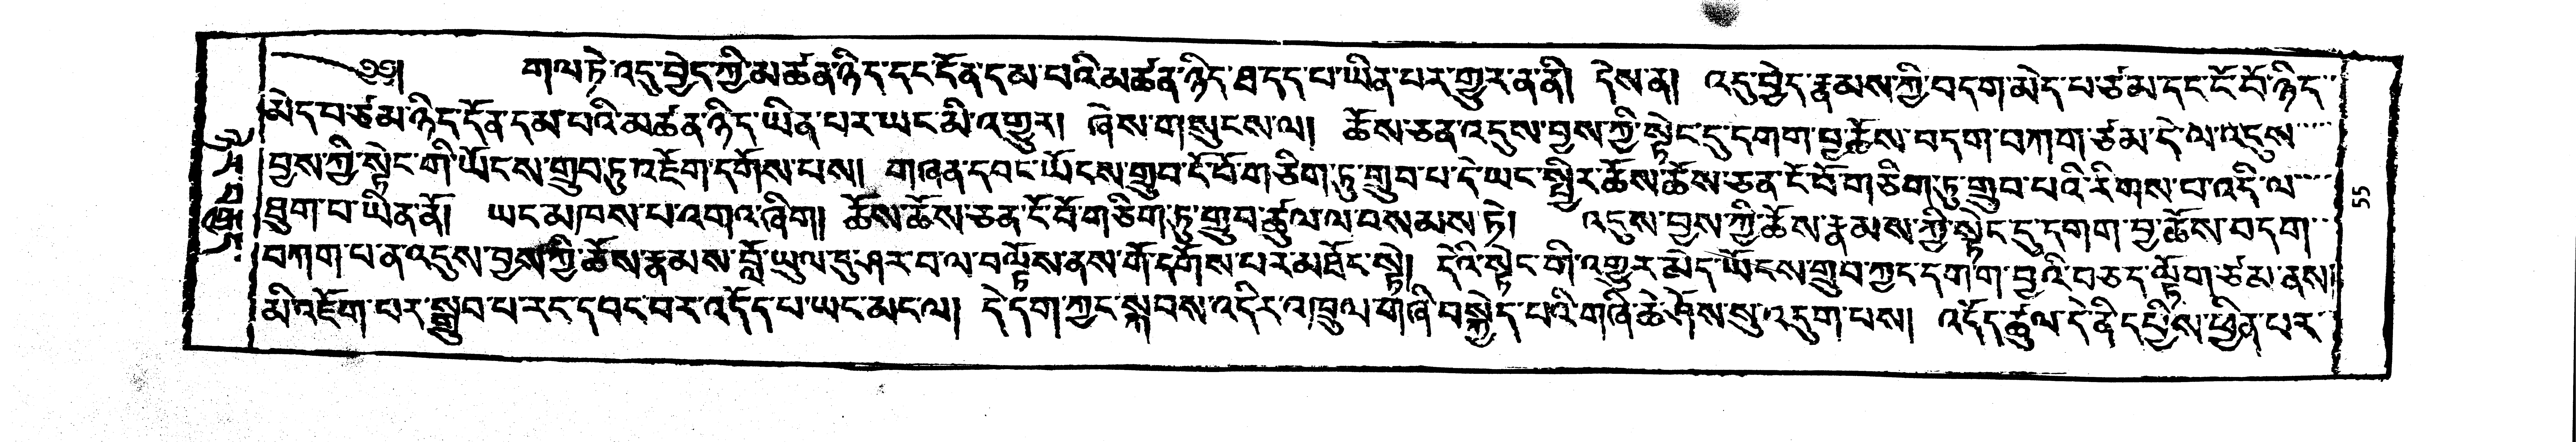༄༅། །གལ་ཏེ་འདུ་བྱེད་ཀྱི་མཚན་ཉིད་དང་དོན་དམ་པའི་མཚན་ཉིད་ཐ་དད་པ་ཡིན་པར་གྱུར་ན་ནི། དེས་ན། འདུ་བྱེད་རྣམས་ཀྱི་བདག་མེད་པ་ཙམ་དང་ངོ་བོ་ཉིད་
མེད་པ་ཙམ་ཉིད་དོན་དམ་པའི་མཚན་ཉིད་ཡིན་པར་ཡང་མི་འགྱུར། ཞེས་གསུངས་ལ། ཆོས་ཅན་འདུས་བྱས་ཀྱི་སྟེང་དུ་དགག་བྱ་ཆོས་བདག་བཀག་ཙམ་དེ་ལ་འདུས་
བྱས་ཀྱི་སྟེང་གི་ཡོངས་གྲུབ་ཏུ་འཇོག་དགོས་པས། གཞན་དབང་ཡོངས་གྲུབ་ངོ་བོ་གཅིག་ཏུ་གྲུབ་པ་དེ་ཡང་སྤྱིར་ཆོས་ཆོས་ཅན་ངོ་བོ་གཅིག་ཏུ་གྲུབ་པའི་རིགས་པ་འདི་ལ་
ཐུག་པ་ཡིན་ནོ། ཡང་མཁས་པ་འགའ་ཞིག །ཆོས་ཆོས་ཅན་ངོ་བོ་གཅིག་ཏུ་གྲུབ་ཚུལ་ལ་བསམས་ཏེ། འདུས་བྱས་ཀྱི་ཆོས་རྣམས་ཀྱི་སྟེང་དུ་དགག་བྱ་ཆོས་བདག་
བཀག་པ་ན་འདུས་བྱས་ཀྱི་ཆོས་རྣམས་བློ་ཡུལ་དུ་ཤར་བ་ལ་བལྟོས་ནས་གོ་དགོས་པར་མཐོང་སྟེ། དེའི་སྟེང་གི་འགྱུར་མེད་ཡོངས་གྲུབ་ཀྱང་དགག་བྱའི་བཅད་ལྟོག་ཙམ་ནས།
མི་འཇོག་པར་སྒྲུབ་པ་རང་དབང་བར་འདོད་པ་ཡང་མང་ལ། དེ་དག་ཀྱང་སྐབས་འདིར་འཁྲུལ་གཞི་བསྐྱེད་པའི་གཞི་ཆེ་ཤོས་སུ་འདུག་པས། འདོད་ཚུལ་དེ་ནི་དཔྱིས་ཕྱིན་པར་